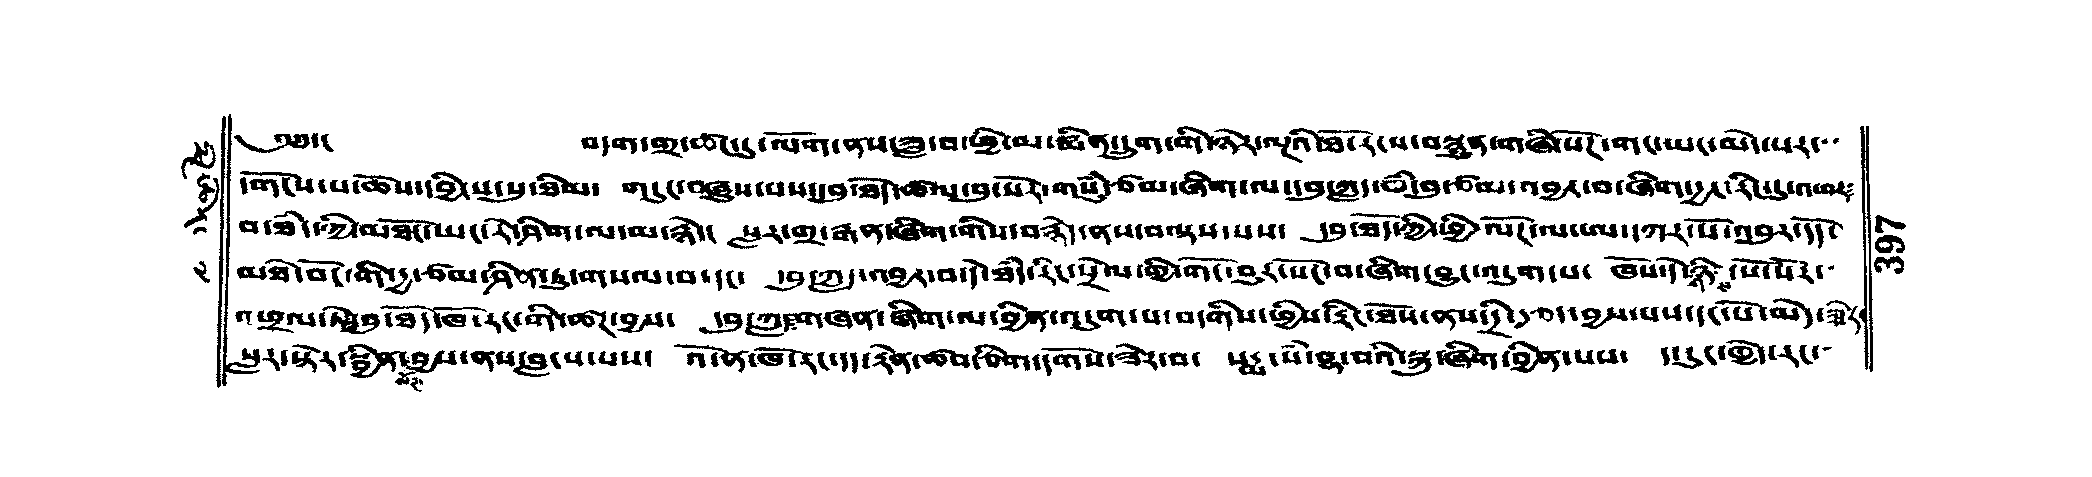བདག་གྲྭ་ཚང་དུ་ལོག་ནས་ཟླ་བ་ཕྱི་མ་སྨིན་དྲུག་གི་ཉེར་ལྔའི་ཐོ་རངས་བསྙུན་གཞི་སོགས་གང་ཡང་མེད་པར་
དགོངས་པ་ཆོས་དབྱིངས་སུ་ཐིམ། གདུང་བཞུས་པས་དབུ་ཐོད་ཚལ་བུ་སོར་གསུམ་ཙམ་ཞིག་ལ་དབུ་ཀླད་ཁམ་བུ་ཙམ་འབྱར་བ་ཞིག་རྒྱང་རིང་དུ་འཕར་
བ་ཐམས་ཅད་ཀྱི་མཐོང་ཡང་རེ་ཤིག་ལ་མ་རྙེད། སླར་གྲྭ་རྒན་ཞིག་གིས་བརྙེད་ནས་བལྟས་པས། དབུ་ཐོད་ཀྱི་ཕྱི་ལོགས་ལ་ཨ་དཀར་པོ་འབུར་དོད་
མཐེ་བོང་གི་རྒྱ་ཙམ་ཤིན་ཏུ་གསལ་བ་དང་། དབུ་ཀླད་འབྱར་བ་དེ་ཐམས་ཅད་རིང་སྲེལ་གྱི་གོང་བུར་སོང་བ་ཞིག་བྱུང་འདུག་པ། ཁོས་དེ་གཉིས་སོ་སོར་
འཕྲལ་ཏེ་བུ་ཐོད་ཁོ་རང་གི་ཚགས་བྱས། དབུ་ཀླད་གཞན་ཞིག་ལ་བྱིན་འདུག་པ་བདག་གིས་ཕྱིས་རྟིང་ཐོས་ནས་དྲི་རྩད་བྱས་པས་དང་པོ་མེད་ཟེར་
སླར་སྟེར་སྦྱིན་སོགས་བྱས་ནས་བླངས་པས། འོ་ན་ཁོ་རང་དད་རྟེན་ཚབ་ཅིག་དགོས་ཟེར་བ། པདྨ་སམ་བྷ་ཝའི་སྐུ་ཞིག་བྱིན་པས། ད་དུང་ཁྱེད་རང་གི་